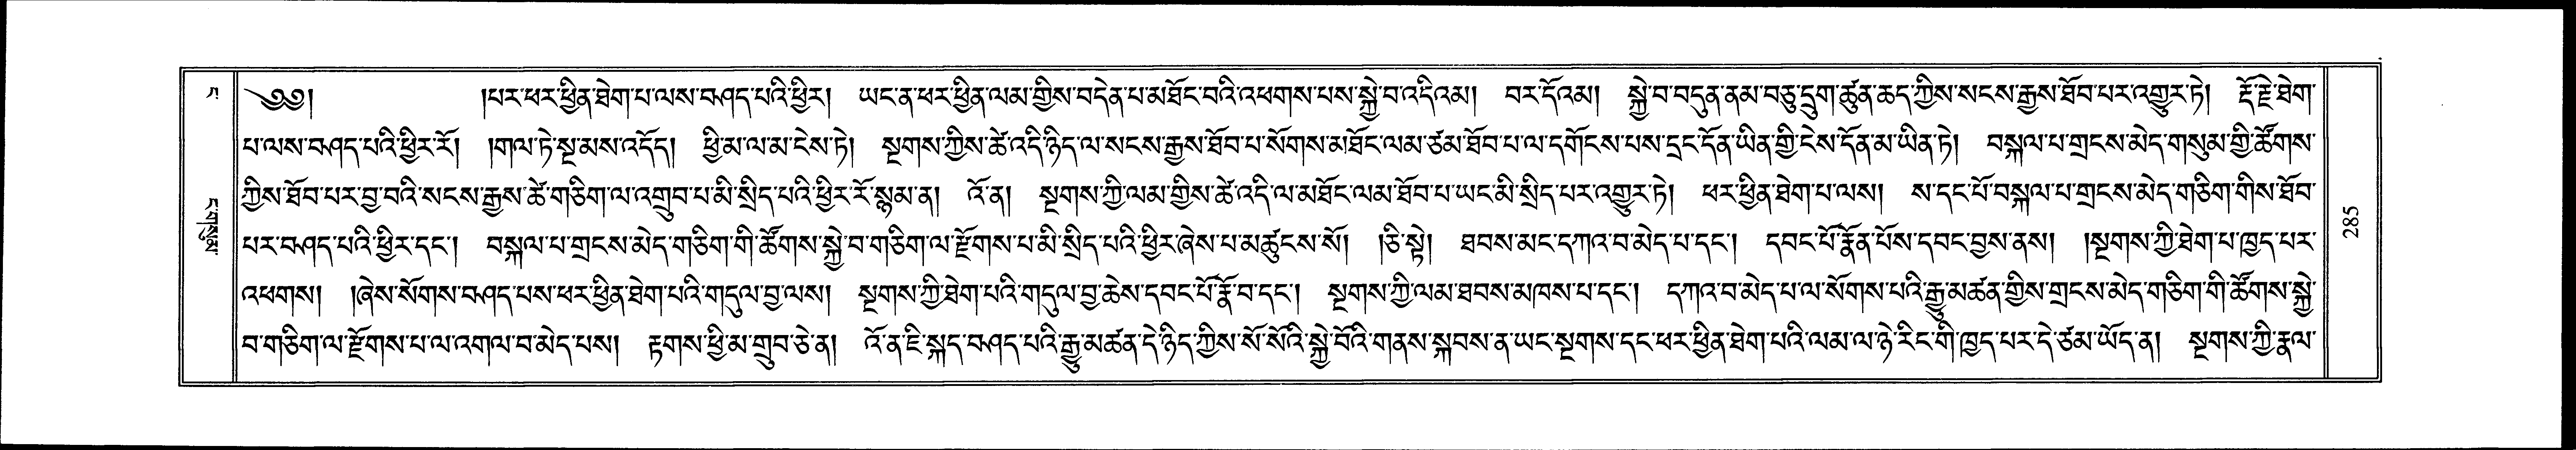༄༅། །པར་ཕར་ཕྱིན་ཐེག་པ་ལས་བཤད་པའི་ཕྱིར། ཡང་ན་ཕར་ཕྱིན་ལམ་གྱིས་བདེན་པ་མཐོང་བའི་འཕགས་པས་སྐྱེ་བ་འདིའམ། བར་དོའམ། སྐྱེ་བ་བདུན་ནམ་བཅུ་དྲུག་ཚུན་ཆད་ཀྱིས་སངས་རྒྱས་ཐོབ་པར་འགྱུར་ཏེ། རྡོ་རྗེ་ཐེག་
པ་ལས་བཤད་པའི་ཕྱིར་རོ། །གལ་ཏེ་སྔ་མས་འདོད། ཕྱི་མ་ལ་མ་ངེས་ཏེ། སྔགས་ཀྱིས་ཚེ་འདི་ཉིད་ལ་སངས་རྒྱས་ཐོབ་པ་སོགས་མཐོང་ལམ་ཙམ་ཐོབ་པ་ལ་དགོངས་པས་དྲང་དོན་ཡིན་གྱི་ངེས་དོན་མ་ཡིན་ཏེ། བསྐལ་པ་གྲངས་མེད་གསུམ་གྱི་ཚོགས་
ཀྱིས་ཐོབ་པར་བྱ་བའི་སངས་རྒྱས་ཚེ་གཅིག་ལ་འགྲུབ་པ་མི་སྲིད་པའི་ཕྱིར་རོ་སྙམ་ན། འོ་ན། སྔགས་ཀྱི་ལམ་གྱིས་ཚེ་འདི་ལ་མཐོང་ལམ་ཐོབ་པ་ཡང་མི་སྲིད་པར་འགྱུར་ཏེ། ཕར་ཕྱིན་ཐེག་པ་ལས། ས་དང་པོ་བསྐལ་པ་གྲངས་མེད་གཅིག་གིས་ཐོབ་
པར་བཤད་པའི་ཕྱིར་དང་། བསྐལ་པ་གྲངས་མེད་གཅིག་གི་ཚོགས་སྐྱེ་བ་གཅིག་ལ་རྫོགས་པ་མི་སྲིད་པའི་ཕྱིར་ཞེས་པ་མཚུངས་སོ། །ཅི་སྟེ། ཐབས་མང་དཀའ་བ་མེད་པ་དང་། དབང་པོ་རྣོན་པོས་དབང་བྱས་ནས། །སྔགས་ཀྱི་ཐེག་པ་ཁྱད་པར་
འཕགས། །ཞེས་སོགས་བཤད་པས་ཕར་ཕྱིན་ཐེག་པའི་གདུལ་བྱ་ལས། སྔགས་ཀྱི་ཐེག་པའི་གདུལ་བྱ་ཆེས་དབང་པོ་རྣོ་བ་དང་། སྔགས་ཀྱི་ལམ་ཐབས་མཁས་པ་དང་། དཀའ་བ་མེད་པ་ལ་སོགས་པའི་རྒྱུ་མཚན་གྱིས་གྲངས་མེད་གཅིག་གི་ཚོགས་སྐྱེ་
བ་གཅིག་ལ་རྫོགས་པ་ལ་འགལ་བ་མེད་པས། རྟགས་ཕྱི་མ་གྲུབ་ཅེ་ན། འོ་ན་ཇི་སྐད་བཤད་པའི་རྒྱུ་མཚན་དེ་ཉིད་ཀྱིས་སོ་སོའི་སྐྱེ་བོའི་གནས་སྐབས་ན་ཡང་སྔགས་དང་ཕར་ཕྱིན་ཐེག་པའི་ལམ་ལ་ཉེ་རིང་གི་ཁྱད་པར་དེ་ཙམ་ཡོད་ན། སྔགས་ཀྱི་རྣལ་